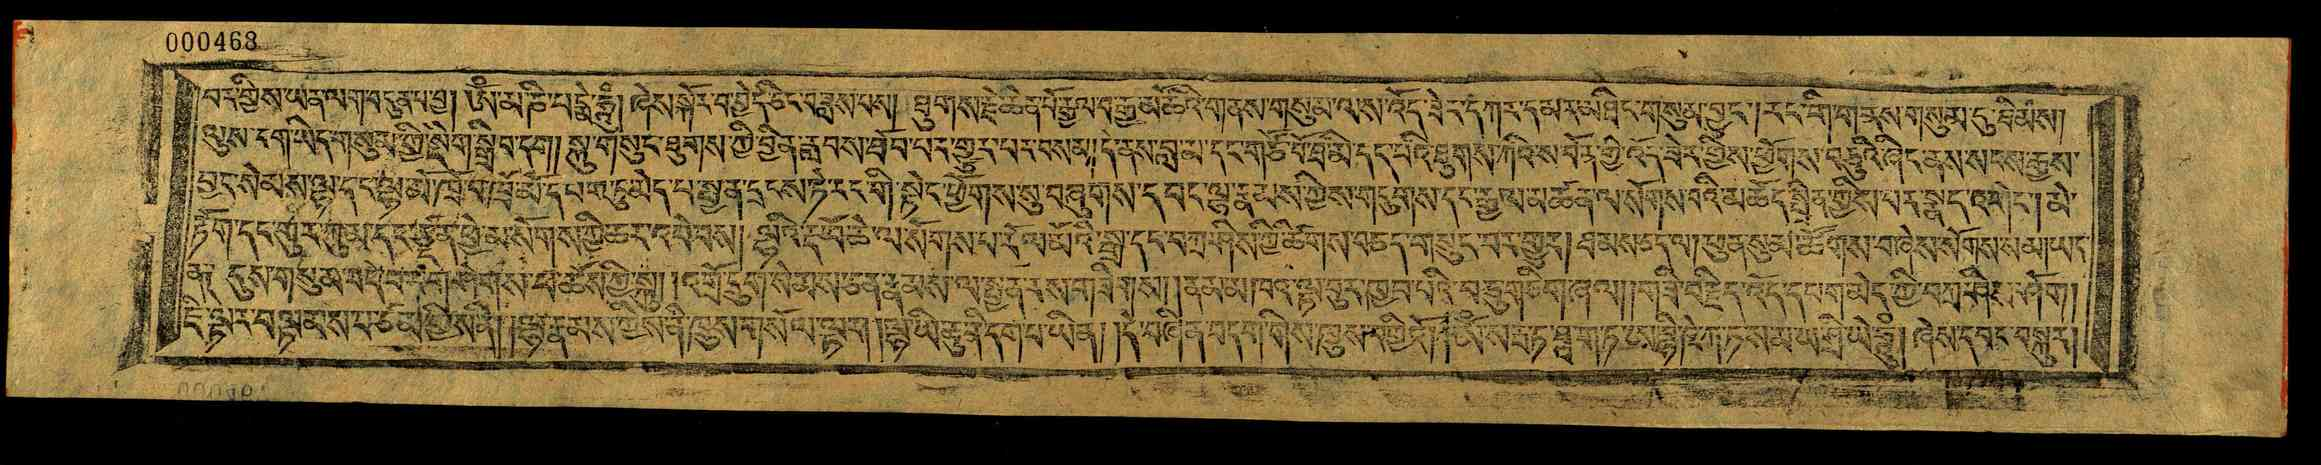བར་གྱིས་ཡན་ལག་བདུན་པ་བྱ། ཨོཾ་མ་ཎི་པདམེ་ཧཱུཾ། ཞེས་སྐོར་བ་བྱེད་ཅིང་བཟླས་པས། ཐུགས་རྗེ་ཆེན་པོ་རྒྱལ་བ་རྒྱ་མཚོའི་གནས་གསུམ་ལས་འོད་ཟེར་དཀར་དམར་མཐིང་གསུམ་བྱུང་། རང་གི་གནས་གསུམ་དུ་ཐིམས།
ལུས་ངག་ཡིད་གསུམ་གྱི་སྡིག་སྒྲིབ་དག། སྐུ་གསུང་ཐུགས་ཀྱི་བྱིན་རླབས་ཐོབ་པར་གྱུར་པར་བསམ། དེ་ནས་བླ་མ་དང་གཙོ་བོ་ཐ་མི་དད་པའི་ཐུགས་ཀའི་ས་བོན་གྱི་འོད་ཟེར་གྱིས་ཕྱོགས་བཅུའི་ཞིང་ནས་སངས་རྒྱས་
བྱང་སེམས་ལྷ་དང་ལྷ་མོ་ཁྲོ་བོ་ཁྲོ་མོ་དཔག་ཏུ་མེད་པ་སྤྱན་དྲངས་ཏེ་རང་གི་སྟེང་ཕྱོགས་སུ་བཞུགས། དབང་ལྷ་རྣམས་ཀྱིས་གདུགས་དང་རྒྱལ་མཚན་ལ་སོགས་པའི་མཆོད་སྤྲིན་གྱིས་བར་སྣང་འགེང་། མེ་
ཏོག་དང་གུར་ཀུམ་དང་ཙནྡན་ཕྱེ་མ་སོགས་ཀྱི་ཆར་འབེབས། ལྷའི་རྔ་བོ་ཆེ་ལ་སོགས་པ་རོལ་མོའི་སྒྲ་དང་བཀྲ་ཤིས་ཀྱི་ཚིགས་བཅད་གསུང་པར་གྱུར། ཐམས་ཅད་ལ། ཕུན་སུམ་ཚོགས་པ་ཞེས་སོགས་སམ། ཡང་
ན༑ དུས་གསུམ་བདེ་བར་གཤེགས་པ་ཆོས་ཀྱི་སྐུ། །འགྲོ་དྲུག་སེམས་ཅན་རྣམས་ལ་སྤྱན་རས་གཟིགས། །ནམ་མཁའ་ལྟ་བུར་ཁྱབ་པའི་བཅུ་གཅིག་ཞལ། །གཟི་བརྗིད་འོད་དཔག་མེད་ཀྱི་བཀྲ་ཤིས་ཤོག །
ཇི་ལྟར་བལྟམས་པ་ཙམ་གྱིས་ནི། །ལྷ་རྣམས་ཀྱིས་ནི་ཁྲུས་གསོལ་ལྟར། །ལྷ་ཡི་ཆུ་ནི་དག་པ་ཡིས། །དེ་བཞིན་བདག་གིས་ཁྲུས་བགྱིའོ། །ཨོཾ་སརྦ་ཏ་ཐཱ་ག་ཏ་ཨ་བྷི་ཥེ་ཀ་ཏ་ས་མ་ཡ་ཤྲི་ཡེ་ཧཱུཾ། ཞེས་དབང་བསྐུར།